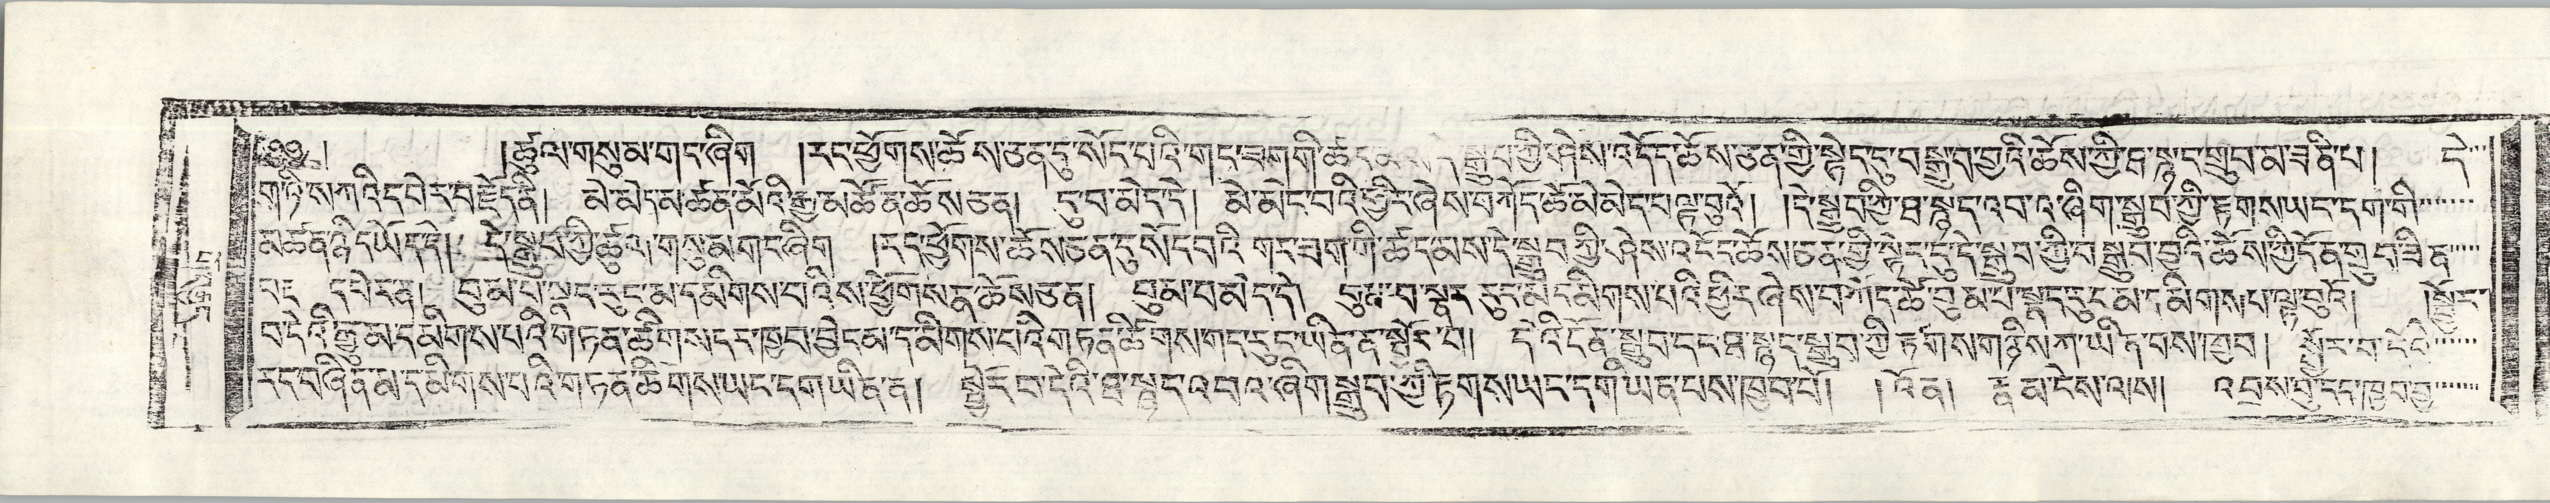༄༅། །ཚུལ་གསུམ་གང་ཞིག །རང་ཕྱོགས་ཆོས་ཅན་དུ་སོང་བའི་གང་ཟག་གི་ཚད་མས་དེ་སྒྲུབ་ཀྱི་ཤེས་འདོད་ཆོས་ཅན་གྱི་སྟེང་དུ་བསྒྲུབ་བྱའི་ཆོས་ཀྱི་ཐ་སྙད་གྲུབ་མ་ཟིན་པ། དེ་
གཉིས་ཀའི་དཔེར་བརྗོད་ནི། མེ་མེད་མཚན་མོའི་རྒྱ་མཚོ་ན་ཆོས་ཅན། དུ་བ་མེད་དེ། མེ་མེད་པའི་ཕྱིར་ཞེས་བཀོད་ཚེ་མེ་མེད་པ་ལྟ་བུའོ། །དེ་སྒྲུབ་ཀྱི་ཐ་སྙད་འབའ་ཞིག་སྒྲུབ་ཀྱི་རྟགས་ཡང་དག་གི་
མཚན་ཉིད་ཡོད་དེ། དེ་སྒྲུབ་ཀྱི་ཚུལ་གསུམ་གང་ཞིག །རང་ཕྱོགས་ཆོས་ཅན་དུ་སོང་བའི་གང་ཟག་གི་ཚད་མས་དེ་སྒྲུབ་ཀྱི་ཤེས་འདོད་ཆོས་ཅན་གྱི་སྟེང་དུ་དེ་སྒྲུབ་ཀྱི་བསྒྲུབ་བྱའི་ཆོས་ཀྱི་དོན་གྲུབ་ཟིན་
པ། དཔེར་ན། བུམ་པ་སྣང་རུང་མ་དམིགས་པའི་ས་ཕྱོགས་ན་ཆོས་ཅན། བུམ་པ་མེད་དེ། བུམ་པ་སྣང་རུང་མ་དམིགས་པའི་ཕྱིར་ཞེས་བཀོད་ཚེ་བུམ་པ་སྣང་རུང་མ་དམིགས་པ་ལྟ་བུའོ། །སྦྱོར་
བ་དེའི་རྒྱུ་མ་དམིགས་པའི་གཏན་ཚིགས་དང་ཁྱབ་བྱེད་མ་དམིགས་པའི་གཏན་ཚིགས་གང་རུང་ཡིན་ན་སྦྱོར་བ་དེའི་དོན་སྒྲུབ་དང་ཐ་སྙད་སྒྲུབ་ཀྱི་རྟགས་གཉིས་ཀ་ཡིན་པས་ཁྱབ། སྦྱོར་བ་དེའི་
རང་བཞིན་མ་དམིགས་པའི་གཏན་ཚིགས་ཡང་དག་ཡིན་ན། སྦྱོར་བ་དེའི་ཐ་སྙད་འབའ་ཞིག་སྒྲུབ་ཀྱི་རྟགས་ཡང་དག་ཡིན་པས་ཁྱབ་པོ། །འོ་ན། རྣམ་ངེས་ལས། འབྲས་བུ་དང་ཁྱབ་བྱ་